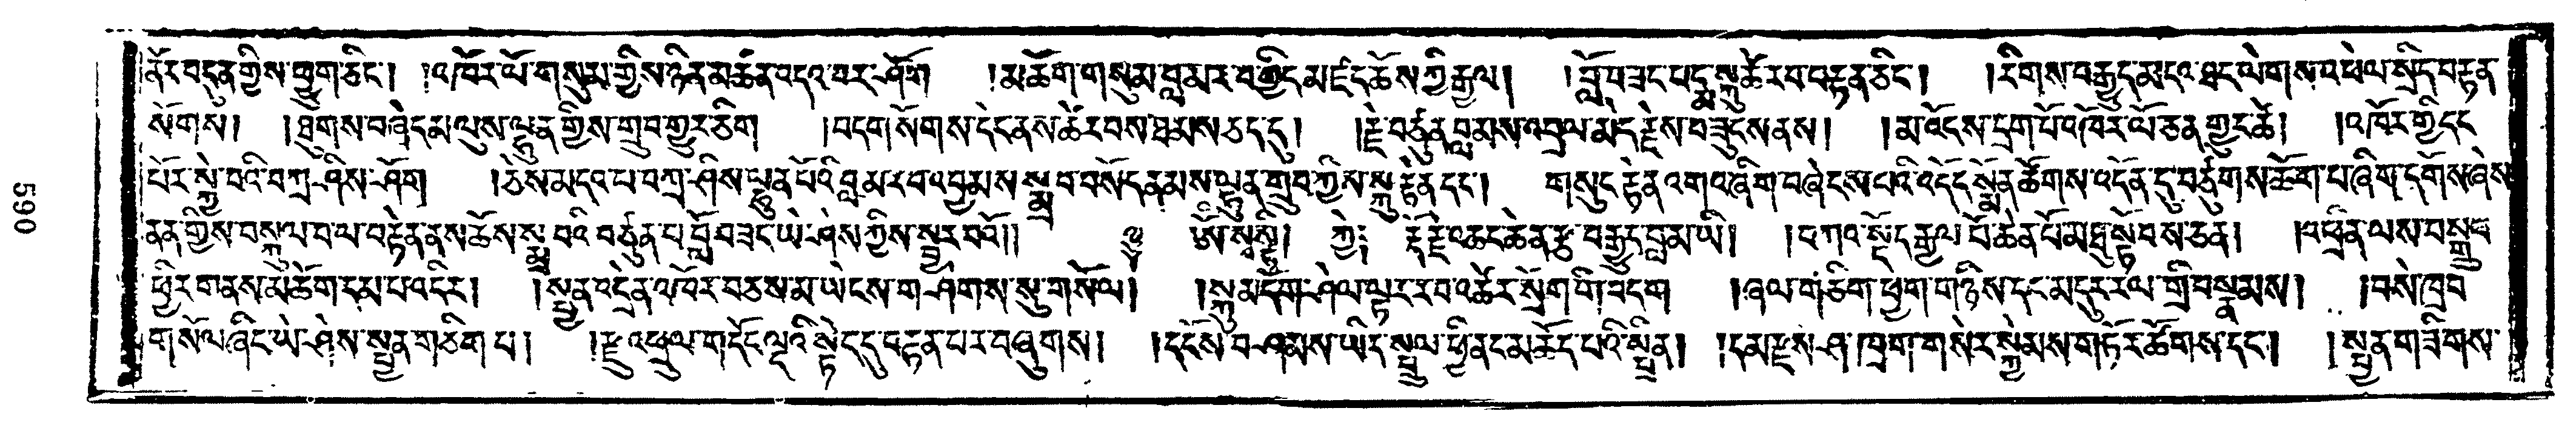ནོར་བདུན་གྱིས་ཕྱུག་ཅིང་། །འཁོར་ལོ་གསུམ་གྱིས་ཉིན་མཚན་འདའ་བར་ཤོག །མཆོག་གསུམ་བླ་མར་བ་གྱིད་མཛད་ཆོས་ཀྱི་རྒྱལ། །བློ་བཟང་པདམ་སྐུ་ཚེ་རབ་བརྟན་ཅིང་། །རིགས་བརྒྱུད་མདའ་ཐད་ལེགས་འཕེལ་སྲིད་བརྟན་
སོགས། །ཐུགས་བཞེད་མ་ལུས་ལྷུན་གྱིས་གྲུབ་གྱུར་ཅིག །བདག་སོགས་དེང་ནས་ཚེ་རབས་ཐམས་ཅད་དུ། །རྗེ་བཙུན་བླ་མས་འབྲལ་མེད་རྗེས་བ་ཟུངས་ནས། །མ་འོངས་དྲག་པོ་འཁོར་ལོ་ཅན་གྱུར་ཚེ། །འཁོར་གྱི་དང་
པོར་སྐྱེ་བའི་བཀྲ་ཤིས་ཤོག །ཅེས་མདའ་པ་བཀྲ་ཤིས་ལྷུན་པོའི་བླ་མ་རབ་འབྱམས་སྨྲ་བ་བསོད་ནམས་ལྷུན་གྲུབ་ཀྱིས་སྐུ་རྟེན་དང་། གསུང་རྟེན་འགའ་ཞིག་བཞེངས་པའི་འདོད་སྨོན་ཚོགས་འདོན་དུ་བཙུགས་ཆོ་ག་པ་ཞིག་དགོས་ཞེས་
ནན་གྱིས་བསྐུལ་བ་ལ་བརྟེན་ནས་ཆོས་སྨྲ་བའི་བཙུན་པ་བློ་བཟང་ཡེ་ཤེས་ཀྱིས་སྦྱར་བའོ།། ༈ ཨོཾ་སྭ་སྟི། ཀྱེ༑ རྡོ་རྗེ་འཆང་སྖེན་རྩ་བརྒྱུད་བླ་མ་ཡི། །བཀའ་སྡོད་རྒྱལ་པོ་ཆེན་པོ་མཐུ་སྟོབས་ཅན། །འཕྲིན་ལས་བསྒྲུབ་
ཕྱིར་གནས་མཆོག་དམ་པ་འདིར། །སྤྱན་འདྲེན་འཁོར་བཅས་མ་ཡེངས་གཤེགས་སུ་གསོལ། །སྐུ་མདོག་ཤེལ་ལྟར་རབ་འཚེར་སྲོག་གི་བདག །ཞལ་གཅིག་ཕྱག་གཉི་དང་མདུར་རལ་གྲི་བསྣམས། །བསེ་ཁྲབ་
གསོལ་ཞིང་ཡེ་ཤེས་སྤྱན་གཅིག་པ། །རྫུ་འཕྲུལ་གདོང་ལྡའི་སྟེང་དུ་བརྟན་པར་བཞུགས། །དངོས་བཤམས་ཡིད་སྤྲུལ་ཕྱི་ནང་མཆོད་པའི་སྤྲིན། །དམ་རྫས་ཤ་ཁྲག་གསེར་སྐྱེམས་གཏོར་ཚོགས་དང་། །སྤྱན་གཟིགས་